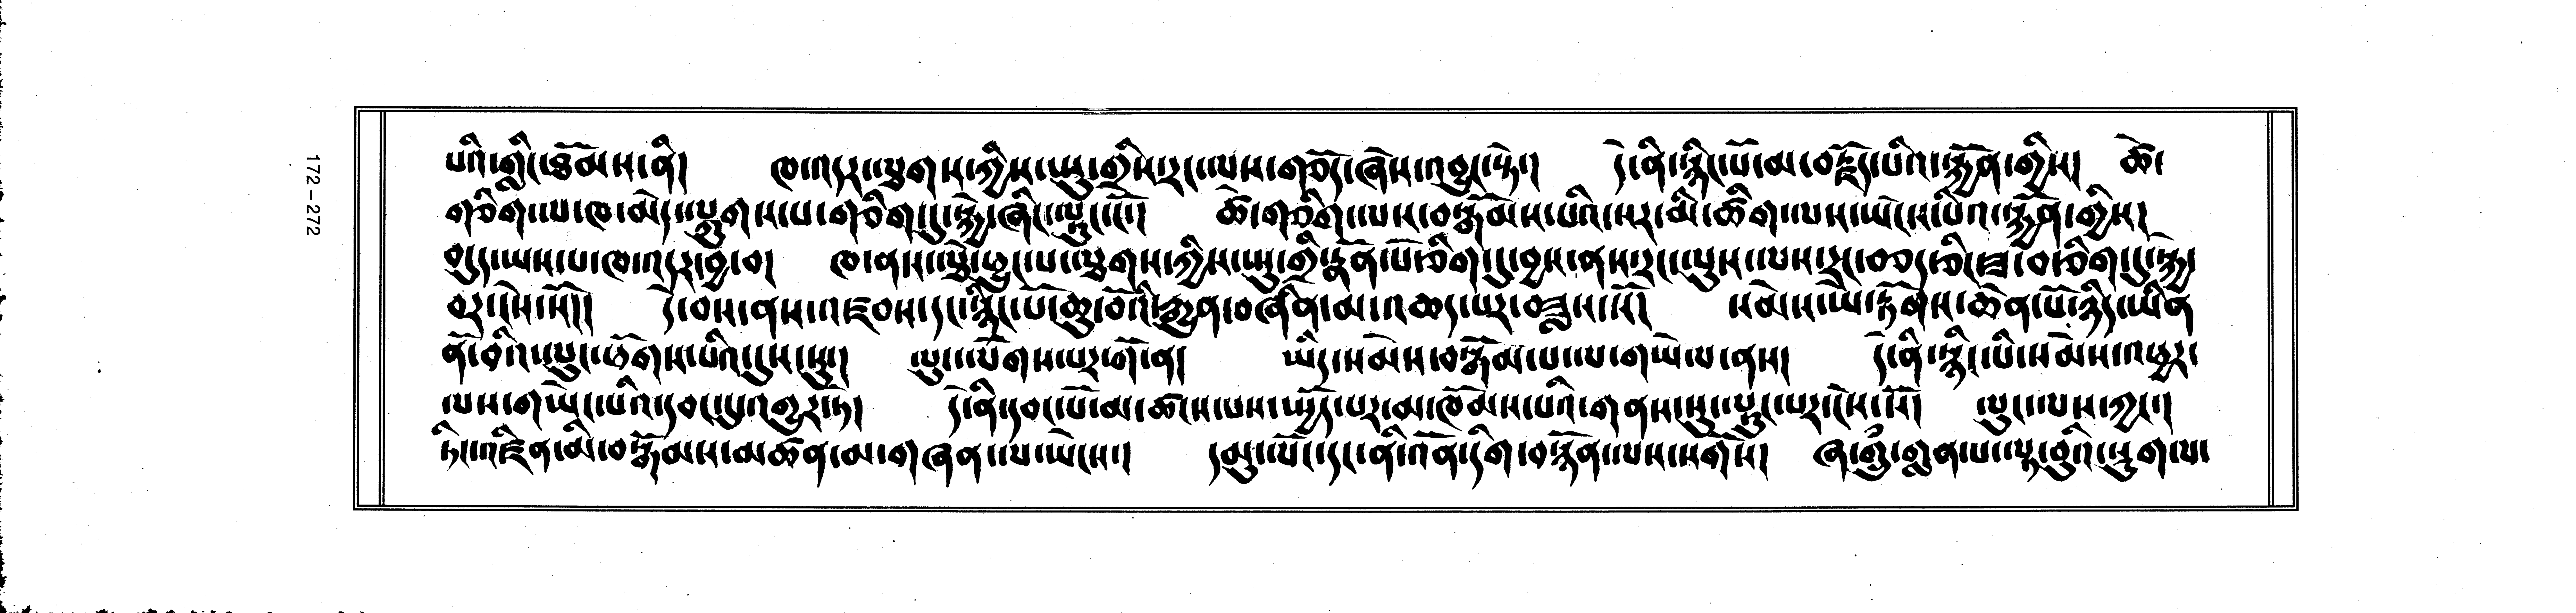པའི་གླིང་ཐོམས་ནི། ཁ་འདར་ལྕགས་ཀྱིས་སྤུ་གྲིས་རང་ལས་གཅོད་ཞེས་འབྱུང་སྟེ། དེ་ནི་སྙིང་པོ་མ་བརྗོད་པའི་སྐྱོན་གྱིས། ཚེ་
གཅིག་ལ་ཁ་མེད་ལྐུགས་པ་གཅིག་དུ་སྐྱེ་ཞིང་ལྟུང་ངོ་། ཚེ་གཅིག་ལས་བསྒོམས་པའི་སར་མི་ཚིག་ལས་གཡེངས་པའི་སྐྱོན་གྱིས། 
བདུད་ཡས་པ་ཁ་འདར་བྱ་བ། ཁ་ནས་ལྕེ་ཕྱུང་པ་ལྕགས་ཀྱིས་སྤུ་གྲི་རྣོན་པོ་ཅིག་དུ་བྱས་ནས་རང་ལུས་ལས་རང་བཅད་ཅིང་ཟ་བ་ཅིག་དུ་སྐྱེ་
བར་ངེས་སོ། དེ་བས་ནས་འཛབ་དང་སྙིང་པོ་ཆུ་བོའི་རྒྱུན་བཞིན་མ་ཆད་པར་བཟླས་སོ། སེམས་ཡེ་རྟོགས་ཆེན་པོ་ཉིད་ཡིན་
ནོ་བའི་ལུང་ཕོགས་པའི་དུས་སུ། ལུང་ལོག་པར་གོ་ན། ཡིད་སེམས་བསྒོམ་པ་ལ་གཡེལ་ནས། དེ་ནི་སྙིང་པོ་སེམས་འཕྱར་
ལས་གཡེང་པའི་དབང་དུ་འགྱུར་ཏེ། དེ་ནི་དབང་པོ་མ་ཚངས་པས་སྤྱོད་པར་མ་ཁོམས་པའི་གནས་སུ་ལྟུང་པར་ངེས་སོ། ལུང་ལས་ཀྱང་། 
ཏིང་འཛིན་མི་བསྒོམས་མཚན་མ་གཞན་ལ་གཡེངས། དམུ་ལོང་དང་ནི་འོན་དིག་བསྙོན་ལས་སོགས། ཞ་གྲུམ་གླན་པ་ལྟ་བུའི་སྡུག་བསྔལ་